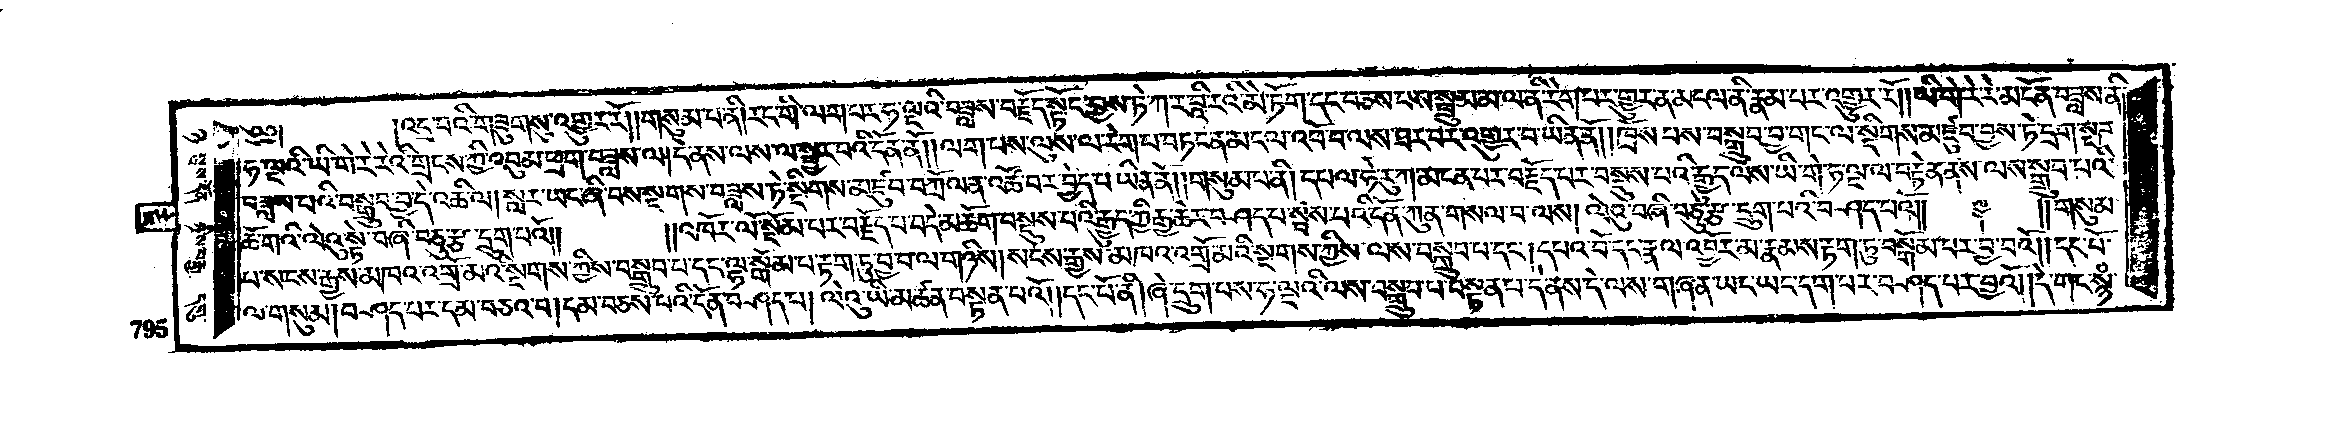༄༅། །འདྲ་བའི་གཟུགས་སུ་འགྱུར་རོ། །གསུམ་པ་ནི། རང་གི་ལག་པར་ཧ་ལྔའི་བཟླས་བརྗོད་སྟོང་བྱས་ཏེ་ཀ་ར་བཱི་རའི་མེ་ཏོག་དང་བཅས་པས་སྦྲུམ་མ་ལ་ནི་རེག་པར་གྱུར་ན་མངལ་ནི་རྣམ་པར་འགྱུར་རོ། །ཡི་གེ་རེ་རེ་མངོན་བཟླས་ནི་
ཧ་ལྔའི་ཡི་གེ་རེ་རེའི་གྲངས་ཀྱི་འབུམ་ཕྲག་བཟླས་ལ། དེ་ནས་ལས་ལ་སྦྱར་བའི་དོན་ནོ། །ལག་པས་ལུས་ལ་རེག་པ་བཏང་ན་མངལ་འཕོ་བ་ལས་ཐར་བར་འགྱུར་བ་ཡིན་ནོ། །ཁྲོས་པས་བསྒྲུབ་བྱ་གང་ལ་སྡིགས་མཛུབ་བྱས་ཏེ་དྲག་སྔགས་
བཟླས་པའི་བསྒྲུབ་བྱ་དེ་འཆི་ལ། སླར་ཡང་ཞི་བས་སྔགས་བཟླས་ཏེ་སྡིགས་མཛུབ་བཀྲོལ་ན་འཚོ་བར་བྱེད་པ་ཡིན་ནོ། །གསུམ་པ་ནི། དཔལ་ཧེ་རུ་ཀ་མངོན་པར་བརྗོད་པར་བསྡུས་པའི་རྒྱུད་ལས་ཡི་གེ་ཧ་ལྔ་ལ་བརྟེན་ནས་ལས་སྒྲུབ་པའི་
ཆོ་གའི་ལེའུ་སྟེ་བཞི་བཅུ་རྩ་དྲུག་པའོ།། །།འཁོར་ལོ་སྡོམ་པར་བརྗོད་པ་བདེ་མཆོག་བསྡུས་པའི་རྒྱུད་ཀྱི་རྒྱ་ཆེར་བཤད་པ་སྦས་པའི་དོན་ཀུན་གསལ་བ་ལས། ལེའུ་བཞི་བཅུ་རྩ་དྲུག་པའི་བཤད་པའོ།། ༈ །།གསུམ་
པ་སངས་རྒྱས་མཁའ་འགྲོ་མའི་སྔགས་ཀྱིས་བསྒྲུབ་པ་དང་ལྷ་སྒོམ་པ་རྟག་ཏུ་བྱ་བ་ལ་གཉིས། སངས་རྒྱས་མཁའ་འགྲོ་མའི་སྔགས་ཀྱིས་ལས་བསྒྲུབ་པ་དང་། དཔའ་བོ་དང་རྣལ་འབྱོར་མ་རྣམས་རྟག་ཏུ་བསྒོམ་པར་བྱ་བའོ། །དང་པོ་
ལ་གསུམ། བཤད་པར་དམ་བཅའ་བ། དམ་བཅས་པའི་དོན་བཤད་པ། ལེའུ་ཡི་མཚན་བསྟན་པའོ། །དང་པོ་ནི། ཞེ་དྲུག་པས་ཧ་ལྔའི་ལས་བསྒྲུབ་པ་བསྟན་པ་དེ་ནས་དེ་ལས་གཞན་ཡང་ཡང་དག་པར་བཤད་པར་བྱའོ། །དེ་གང་སྙམ་